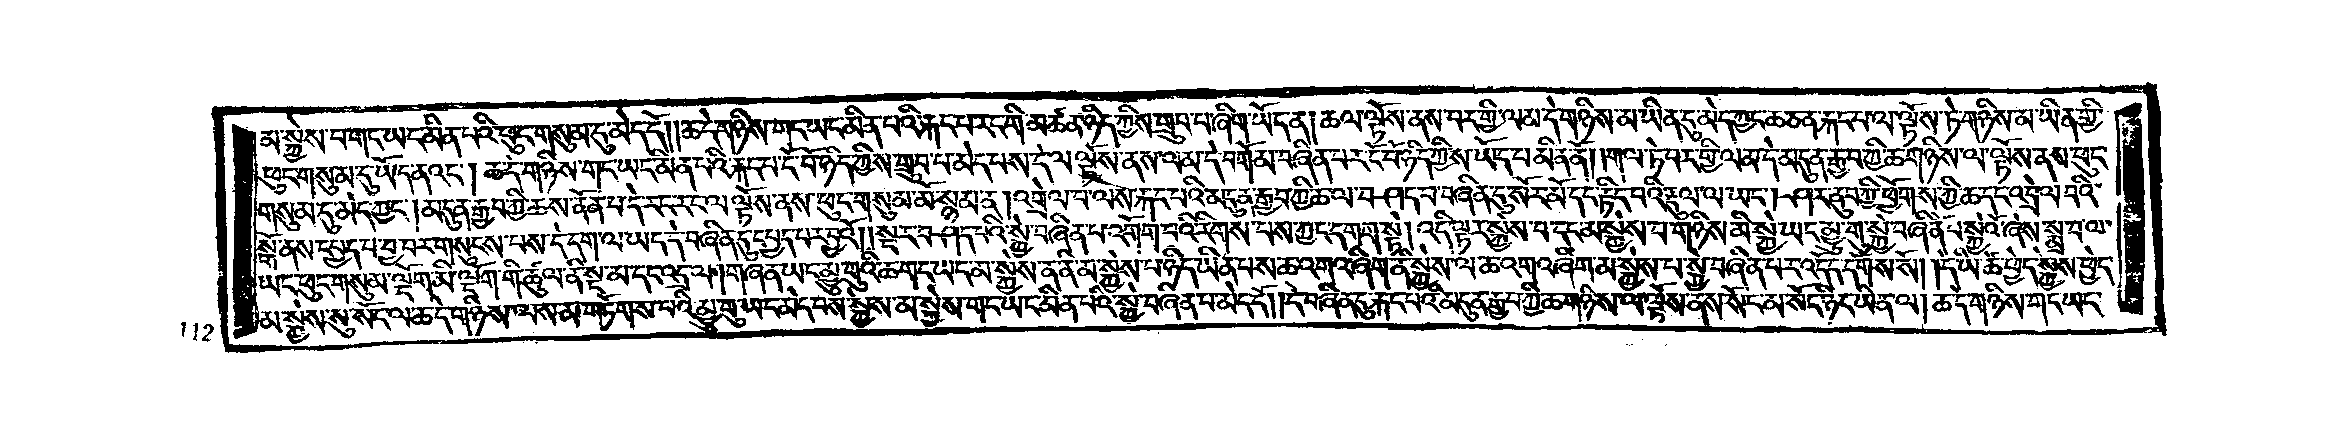མ་སྐྱེས་པ་གང་ཡང་མིན་པའི་ཕུང་གསུམ་དུ་མེད་དེ། །ཆ་དེ་གཉིས་གང་ཡང་མིན་པའི་རྐང་པ་རང་གི་མཚན་ཉིད་ཀྱིས་གྲུབ་པ་ཞིག་ཡོད་ན། ཆལ་ལྟོས་ནས་བར་གྱི་ལམ་དེ་གཉིས་མ་ཡིན་དུ་མེད་ཀྱང་ཆ་ཅན་རྐང་པ་ལ་ལྟོས་ཏེ་གཉིས་མ་ཡིན་གྱི་
ཕུང་གསུམ་དུ་ཡོད་ནའང་། ཆ་དེ་གཉིས་གང་ཡང་མིན་པའི་རྐང་པ་ངོ་བོ་ཉིད་ཀྱིས་གྲུབ་པ་མེད་པས་དེ་ལ་ལྟོས་ནས་ལམ་དེ་བགོམ་བཞིན་པར་ངོ་བོ་ཉིད་ཡིས་ཡོད་པ་མིན་ནོ། །གལ་ཏེ་བར་གྱི་ལམ་དེ་མདུན་རྒྱབ་ཀྱི་ཆ་གཉིས་ལ་ལྟོས་ནས་ཕུང་
གསུམ་དུ་མེད་ཀྱང་། མདུན་རྒྱབ་ཀྱི་ཆས་ནོན་པ་དེ་རང་རང་ལ་ལྟོས་ནས་ཕུན་གསུམ་མོ་སྙམ་ན། འགྲེལ་པ་ལས་རྐང་པའི་མདུན་རྒྱབ་ཀྱི་ཆ་ལ་བཤད་པ་བཞིན་དུ་སོར་མོ་དང་རྟིང་པའི་རྡུལ་ལ་ཡང་། ཤར་ནུབ་ཀྱི་ཕྱོགས་ཀྱི་ཆ་དང་འབྲེལ་བའི་
སྒོ་ནས་དཔྱད་པ་བྱ་བར་གསུངས་པས་དེ་དག་ལ་ཡང་དེ་བཞིན་དུ་དཔྱད་པར་བྱའོ། །སྔར་བཤད་པའི་སྐྱེ་བཞིན་པ་འགོག་པའི་རིགས་པས་ཀྱང་དགག་སྟེ། འདི་ལྟར་སྐྱེས་པ་དང་མ་སྐྱེས་པ་གཉིས་མི་སྐྱེ་ཡང་མྱུ་གུ་སྐྱེ་བཞིན་པ་སྐྱེའོ་ཞེས་སྨྲ་བ་ལ་
ཡང་ཕུང་གསུམ་ལྡོག་མི་ལྡོག་གི་ཚུལ་ནི་སྔ་མ་དང་འདྲ་ལ། གཞན་ཡང་མྱུ་གུའི་ཆ་གན་གྱང་མ་སྐྱེས་ན་ནི་མ་སྐྱེས་པ་ཉིད་ཡིན་པས་ཆ་འགའ་ཞིག་ནི་སྐྱེས་ལ་ཆ་འགའ་ཞིག་མ་སྐྱེས་པ་སྐྱེ་བཞིན་པར་འདོད་དགོས་སོ། །དེ་ཡི་ཚེ་ཕྱེད་སྐྱེས་ཕྱེད་
མ་སྐྱེས་སུ་སོང་ལ་ཆ་དེ་གཉིས་ལས་མ་གཏོགས་པའི་མྱུ་གུ་ཡང་མེད་པས་སྐྱེས་མ་སྐྱེས་གང་ཡང་མིན་པའི་སྐྱེ་བཞིན་པ་མེད་དོ། །དེ་བཞིན་དུ་རྐང་པའི་མདུན་རྒྱབ་ཀྱི་ཆ་གཉིས་ལ་ལྟོས་ནས་སོང་མ་སོང་ཉིད་ཡིན་ལ། ཆ་དེ་གཉིས་གང་ཡང་